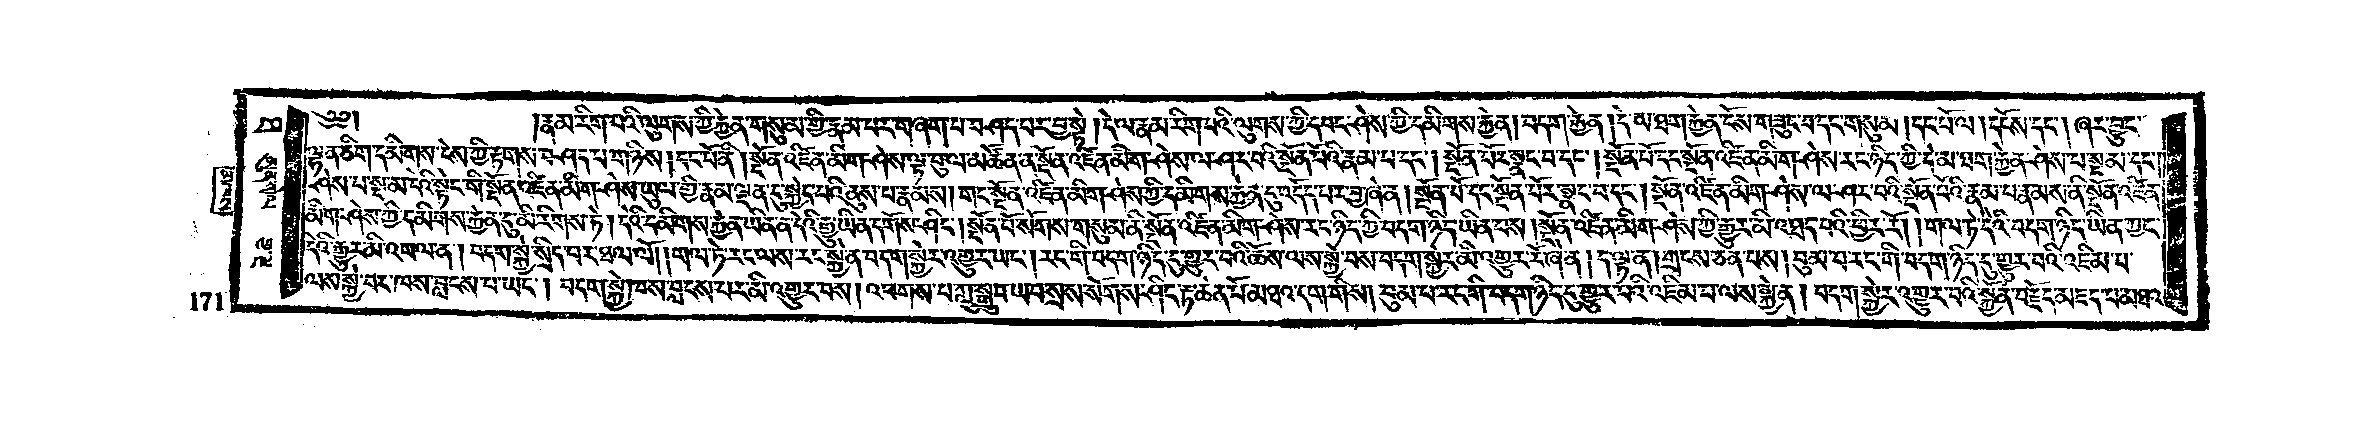༄༅། །རྣམ་རིག་པའི་ལུགས་ཀྱི་རྐྱེན་གསུམ་གྱི་རྣམ་པར་གཞག་པ་བཤད་པར་བྱ་སྟེ། དེ་ལ་རྣམ་རིག་པའི་ལུགས་ཀྱི་དབང་ཤེས་ཀྱི་དམིགས་རྐྱེན། བདག་རྐྱེན། དེ་ལ་ཐག་རྐྱེན་ངོས་གཟུང་བ་དང་གསུམ། དང་པོ་ལ། དངོས་དང་། ཞར་བྱུང་
ལྷན་ཅིག་དམིགས་ངེས་ཀྱི་རྟགས་བཤད་པ་གཉིས། དང་པོ་ནི། སྔོན་འཛིན་མིག་ཤེས་ལྟ་བུ་ལ་མཚོན་ན་སྔོན་འཛིན་མིག་ཤེས་ལ་ཤར་བའི་སྔོན་པོའི་རྣམ་པ་དང་། སྔོན་པོར་སྣང་བ་དང་། སྔོན་པོ་དང་སྔོན་འཛིན་མིག་ཤེས་རང་ཉིད་ཀྱི་དེ་མ་ཐག་རྐྱེན་ཤེས་པ་སྔ་མ་དང་།
ཤེས་པ་སྔ་མ་དེའི་སྟེང་གི་སྔོན་འཛིན་མིག་ཤེས་ཡུལ་གྱི་རྣམ་ལྡན་དུ་སྐྱེད་པའི་ནུས་པ་རྣམས། གང་སྔོན་འཛིན་མིག་ཤེས་ཀྱི་དམིགས་རྐྱེན་དུ་འདོད་པར་བྱ་ཞེ་ན། སྔོན་པོ་དང་སྔོན་པོར་སྣང་བ་དང་། སྔོན་འཛིན་མིག་ཤེས་ལ་ཤར་བའི་སྔོན་པོའི་རྣམ་པ་རྣམས་ནི་སྔོན་འཛིན་
མིག་ཤེས་ཀྱི་དམིགས་རྐྱེན་དུ་མི་རིགས་ཏེ། དེའི་དམིགས་རྐྱེན་ཡིན་ན་དེའི་རྒྱུ་ཡིན་དགོས་ཤིང་། སྔོན་པོ་སོགས་གསུམ་ནི་སྔོན་འཛིན་མིག་ཤེས་རང་ཉིད་ཀྱི་བདག་ཉིད་ཡིན་པས། སྔོན་འཛིན་མིག་ཤེས་ཀྱི་རྒྱུར་མི་འཐད་པའི་ཕྱིར་རོ། །གལ་ཏ་དེའི་བདག་ཉིད་ཡིན་ཀྱང་
དེའི་རྒྱུར་མི་འགལ་ན། བདག་སྐྱེ་སྲིད་པར་ཐལ་ལོ། །གལ་ཏེ་རང་ལས་རང་སྐྱེ་ན་བདག་སྐྱེར་འགྱུར་ཡང་། རང་གི་བདག་ཉིད་དུ་གྱུར་པའི་ཆོས་ལས་སྐྱེ་བས་བདག་སྐྱེར་མི་འགྱུར་རོ་ཞེ་ན། དེ་ལྟ་ན། གྲངས་ཅན་པས། བུམ་པ་རང་གི་བདག་ཉིད་དུ་གྱུར་བའི་འཇིམ་པ་
ལས་སྐྱེ་བར་ཁས་བླངས་པ་ཡང་། བདག་སྐྱེ་ཁས་བླངས་པར་མི་འགྱུར་བས། འཕགས་པ་ཀླུ་སྒྲུབ་ཡབ་སྲས་སོགས་ཤིང་རྟ་ཆེན་པོ་མཐའ་དག་གིས། བུམ་པ་རང་གི་བདག་ཉིད་དུ་གྱུར་བའི་འཇིམ་པ་ལས་སྐྱེ་ན། བདག་སྐྱེར་འགྱུར་བའི་སྐྱོན་བརྗོད་མཛད་པ་མཐའ་